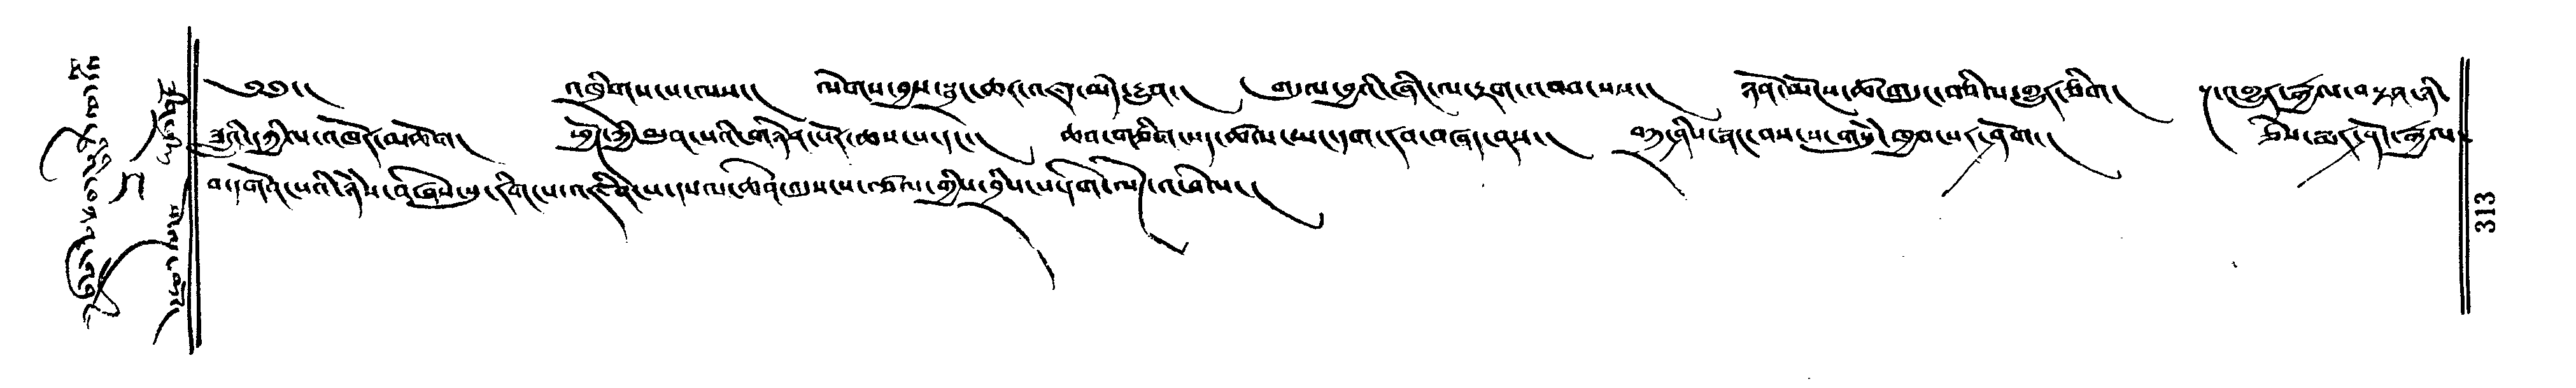འཁྲིགས་པ་ལས། ལེགས་བྱས་སྦྲང་ཆར་འཛད་མེད་རྒྱུན། །གདུལ་བྱའི་ཞིང་ལ་རྟག་བབས་པས། །ཉོན་མོངས་ཚ་གདུང་འཇྀལ་གྱུར་ཅིག །སྔ་འགྱུར་རྒྱལ་བསྟན་ཉི་
ཟླའི་དཀྱིལ་འཁོར་མཆོག །ཕྱོགས་ཀྱི་མུན་པའི་གཉེནཔོར་ཆས་པ་དང་། །ཆབས་གཅིག་པད་ཚལ་ཡང་དག་རབ་བཞད་ནས། །བཀྲ་ཤིས་སྣང་བས་ས་གསུམ་ཁྱབ་པར་ཤོག །ཅེས་སྨར་ཤོད་རྒྱལ་
བ་དགོན་པའི་ཉམས་བཞེས་སུ་རིག་པ་འཛིན་པ་དཔལ་ཆེན་འདུས་པ་རྩལ་གྱིས་བྲིས་པ་དགེ་ལེགས་འཕེལ།། དགེའོ།།